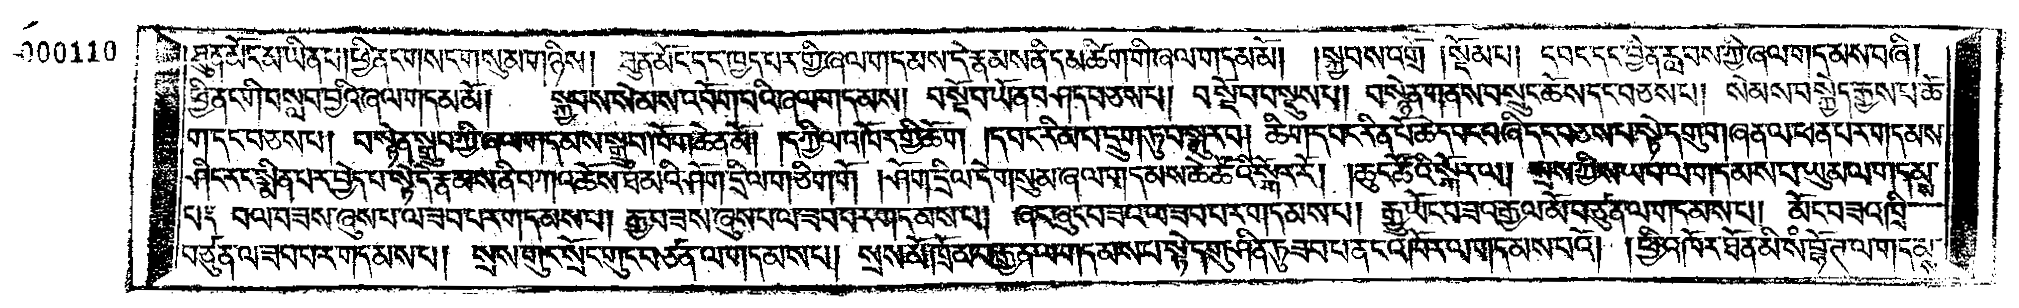ཐུན་མོང་མ་ཡིན་པ། ཕྱི་ནང་གསང་གསུམ་གཉིས། ཐུན་མོང་དང་ཁྱད་པར་གྱི་ཞལ་གདམས་དེ་རྣམས་ནི་དམ་ཚིག་གི་ཞལ་གདམ་མོ། །སྐྱབས་འགྲོ་།སྡོམ་པ། དབང་དང་བྱིན་རླབས་ཀྱི་ཞལ་གདམས་བཞི།
ཕྱི་ནང་གི་བསླབ་བྱའི་ཞལ་གདམ་མོ། སྐྱབས་སེམས་འབོག་པའི་ཞལ་གདམས། བསྔོ་བ་ཡོན་བཤད་བཅས་པ། བསྔོ་བ་བསྡུས་པ། བསྙེན་གནས་བསྲུང་ཆོས་དང་བཅས་པ། སེམས་བསྐྱེད་རྒྱས་པ་ཆོ་
ག་དང་བཅས་པ། བསྙེན་སྒྲུབ་ཀྱི་ཞལ་གདམས་སྒྲུབ་ཁོག་ཆེན་མོ། །དཀྱིལ་འཁོར་གྱི་ཆོ་ག །དབང་རིམ་པ་དྲུག་ཏུ་བསྐུར་བ། ཆིག་དབང་རིན་པོ་ཆེ་དབང་བཞི་དང་བཅས་པ་སྟེ་དགུ་གཞན་ལ་ཕན་པར་གདམས་
ཤིང་རང་སྨིན་པར་བྱེད་པ་སྟེ་དེ་རྣམས་ནི་བཀའ་ཆོས་ཐ་མའི་ཤོག་དྲིལ་གཅིག་གོ །ཤོག་དྲིལ་དེ་གསུམ་ཞལ་གདམས་ཆེ་ཚོའི་སྐོར་རོ། །ཆུང་ཚོའི་སྐོར་ལ། སྲས་ཀྱིས་ཡབ་ལ་གདམས་པ་ཡུམ་ལ་གདམས་
པ༑ བལ་བཟས་ཞུས་པ་ལ་ཟབ་པར་གདམས་པ། རྒྱ་བཟས་ཞུས་པ་ལ་ཟབ་པར་གདམས་པ། ཞང་ཞུང་བཟའ་ལ་ཟབ་པར་གདམས་པ། རྒྱུ་ཡོང་བཟའ་རྒྱལ་མོ་བཙུན་ལ་གདམས་པ། མོང་བཟའ་ཁྲི་
བཙུན་ལ་ཟབ་པར་གདམས་པ། སྲས་གུང་སྲོང་གུང་བཙན་ལ་གདམས་པ། སྲས་མོ་ཁྲོམ་བ་རྒྱན་ལ་གདམས་པ་སྟེ་དགུ་ཤིན་ཏུ་ཟབ་པ་ནང་འཁོར་ལ་གདམས་པའོ། །ཕྱི་འཁོར་ཐོན་མི་སཾ་བྷོ་ཊ་ལ་གདམས་